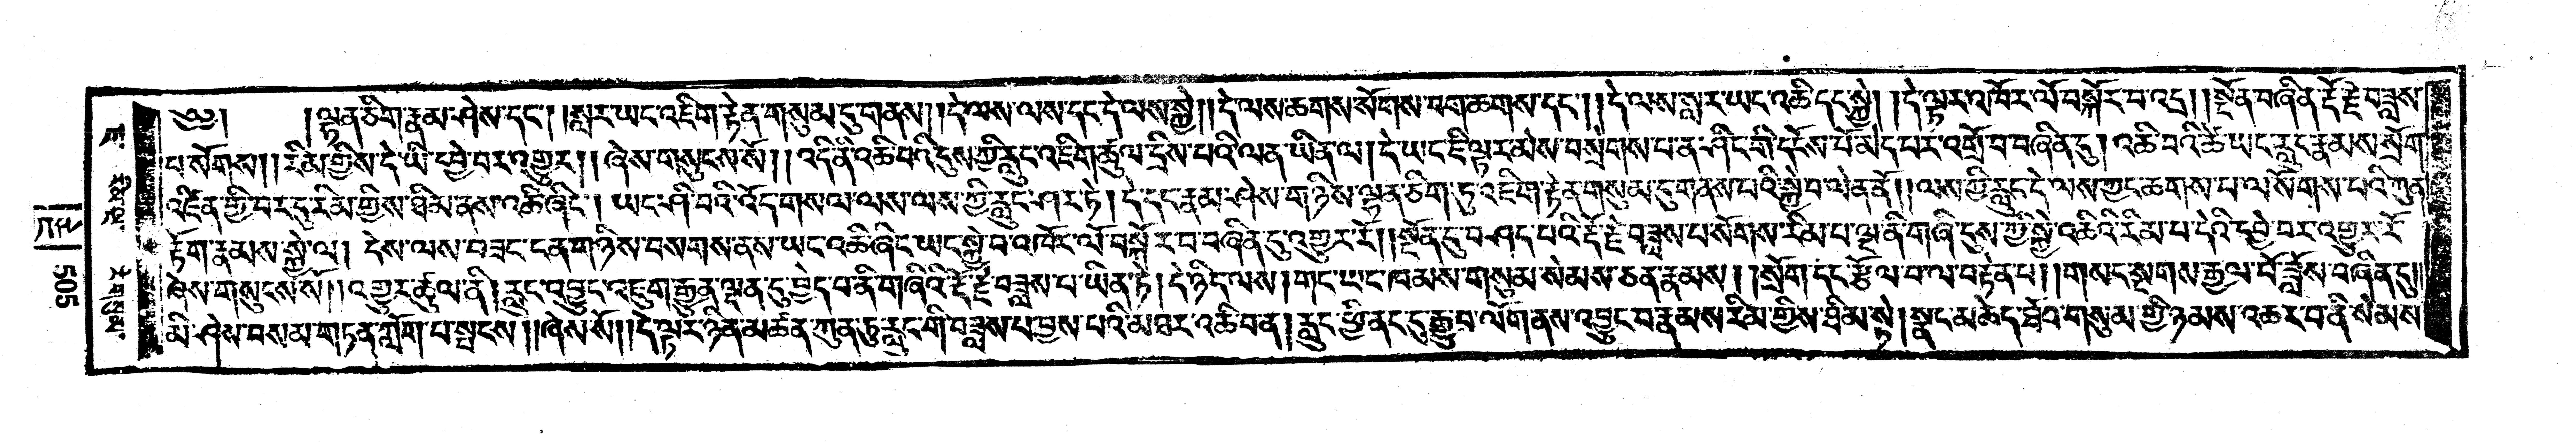༄༅། །ལྷན་ཅིག་རྣམ་ཤེས་དང་། །སླར་ཡང་འཇིག་རྟེན་གསུམ་དུ་གནས། །དེ་ལས་ལས་དང་དེ་ལས་སྐྱེ། །དེ་ལས་ཆགས་སོགས་བག་ཆགས་དང་། །དེ་ལས་སླར་ཡང་འཆི་དང་སྐྱེ། །དེ་ལྟར་འཁོར་ལོ་བསྐོར་བ་འདྲ། །སྔོན་བཞིན་རྡོ་རྗེ་བཟླས་
པ་སོགས། །རིམ་གྱིས་དེ་ཡི་དབྱེ་བར་འགྱུར། །ཞེས་གསུངས་སོ། །འདི་ནི་འཆི་བའི་དུས་ཀྱི་རླུང་འཇིག་ཚུལ་དྲིས་པའི་ལན་ཡིན་ལ། དེ་ཡང་ཇི་ལྟར་མེས་བསྲེགས་པ་ན་ཤིང་གི་དངོས་པོ་མེད་པར་འགྲོ་བ་བཞིན་དུ། འཆི་བའི་ཚེ་ཡང་རླུང་རྣམས་སྲོག་
འཛིན་གྱི་བར་དུ་རིམ་གྱིས་ཐིམ་ནས་འཆི་ཞིང་། ཡང་ཤི་བའི་འོད་གསལ་ལས་ལས་ཀྱི་རླུང་ཤར་ཏེ། དེ་དང་རྣམ་ཤེས་གཉིས་ལྷན་ཅིག་ཏུ་འཇིག་རྟེན་གསུམ་དུ་གནས་པའི་སྐྱེ་བ་ལེན་ནོ། །ལས་ཀྱི་རླུང་དེ་ལས་ཀྱང་ཆགས་པ་ལ་སོགས་པའི་ཀུན་
རྟོག་རྣམས་སྐྱེ་ལ། དེས་ལས་བཟང་ངན་གཉིས་བསགས་ནས་ཡང་འཆི་ཞིང་ཡང་སྐྱེ་བ་འཁོར་ལོ་བསྐོར་བ་བཞིན་དུ་འགྱུར་རོ། །སྔོན་དུ་བཤད་པའི་རྡོ་རྗེ་བཟླས་པ་སོགས་རིམ་པ་ལྔ་ནི་གཞི་དུས་ཀྱི་སྐྱེ་འཆིའི་རིམ་པ་དེའི་དབྱེ་བར་འགྱུར་རོ་
ཞེས་གསུངས་སོ། །འགྱུར་ཚུལ་ནི། རླུང་འབྱུང་འཇུག་རྒྱུན་ལྡན་དུ་བྱེད་པ་ནི་གཞིའི་རྡོ་རྗེ་བཟླས་པ་ཡིན་ཏེ། དེ་ཉིད་ལས། གང་ཡང་ཁམས་གསུམ་སེམས་ཅན་རྣམས། །སྲོག་དང་རྩོལ་བ་ལ་བརྟེན་པ། །གསང་སྔགས་རྒྱལ་པོ་ཟློས་བཞིན་དུ། །
མི་ཤེས་བསམ་གཏན་ཀློག་པ་སྤངས། །ཞེས་སོ། །དེ་ལྟར་ཉིན་མཚན་ཀུན་ཏུ་རླུང་གི་བཟླས་པ་བྱས་པའི་མཐར་འཆི་བ་ན། རླུང་ཕྱི་ནང་དུ་རྒྱུ་བ་ལོག་ནས་འབྱུང་བ་རྣམས་རིམ་གྱིས་ཐིམ་སྟེ། སྣང་མཆེད་ཐོབ་གསུམ་གྱི་ཉམས་འཆར་བ་ནི་སེམས་